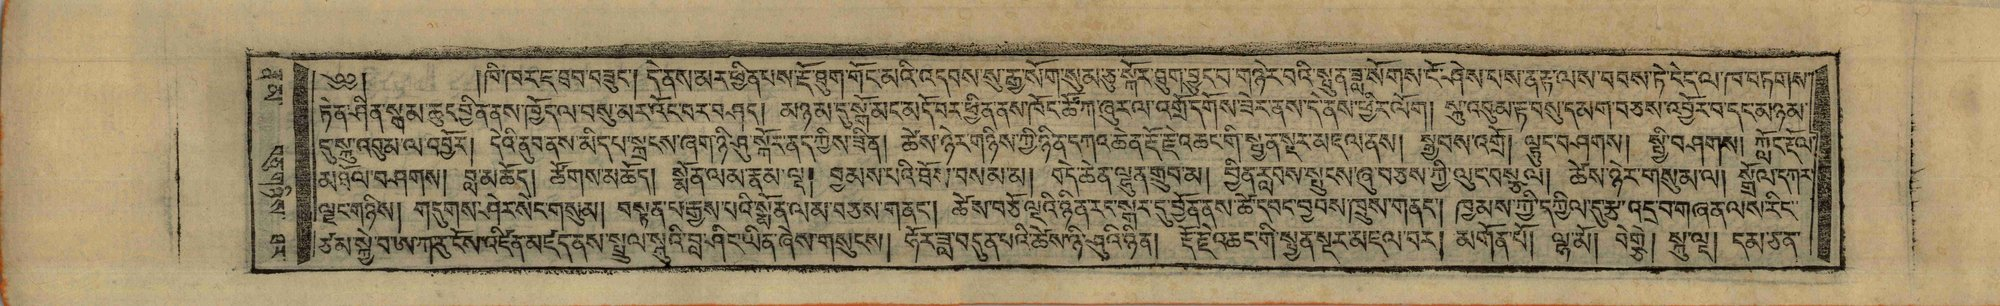༄༅། །ཁི་ཁར་ཇ་ཐབ་བཟུང་། དེ་ནས་མར་ཕྱིན་པས་རྡོ་ཐུག་གོང་མའི་འདབས་སུ་རྒྱ་སོག་སུམ་ཅུ་སྐོར་ཐུག་བྱུང་བ་གཉེར་བའི་སྤུན་ཟླ་སོགས་ངོ་ཤེས་པས་ན་རྟ་ལས་བབས་ཏེ་ངེད་ལ་ཁ་བཏགས་
ཏེན་ཤིན་སྒམ་ཆུང་བྱིན་ནས་ཁྱོད་ལ་བསུ་མར་འོང་བར་བཤད། མཉམ་དུ་སྒོ་མང་མདོ་བར་ཕྱིན་ནས་ཁོང་ཚོ་ཀ་ཞུར་ལ་འགྲོ་དགོས་ཟེར་ནས་དེ་ནས་ཕྱིར་ལོག །སྐུ་འབུམ་རྟ་བསུ་དམག་བཅས་འབྱོར་བ་དང་མཉམ་
དུ་སྐུ་འབུམ་ལ་འབྱོར། དེའི་ནུབ་ནས་མིད་པ་སྐྲངས་ཞག་ཉི་ཤུ་སྐོར་ནད་ཀྱིས་ཟིན། ཚེས་ཉེར་གཉིས་ཀྱི་ཉིན་དཀའ་ཆེན་རྡོ་རྗེ་འཆང་གི་སྤྱན་སྔར་མཇལ་ནས། སྐྱབས་འགྲོ། ལྟུང་བཤགས། སྤྱི་བཤགས། ཀློང་རྡོལ་
མཐོལ་བཤགས། བླ་མཆོད། ཚོགས་མཆོད། སྨོན་ལམ་རྣམ་ལྔ། བྱམས་པའི་ཐོས་བསམ་མ། བདེ་ཆེན་ལྷུན་གྲུབ་མ། བྱིན་རླབས་སྤུངས་ཞུ་བཅས་ཀྱི་ལུང་བསྩལ། ཚེས་ཉེར་གསུམ་ལ། སྒྲོལ་དཀར་
ལྗང་གཉིས། གདུགས་ཤེར་སེང་གསུམ། བསྟན་པ་རྒྱས་པའི་སྨོན་ལམ་བཅས་གནང་། ཚེས་བཅོ་ལྔའི་ཉིན་རང་སྒར་དུ་བྱོན་ནས་ཚེ་དབང་བྱབས་ཁྲུས་གནང་། ཁྱམས་ཀྱི་དཀྱིལ་དུ་རྩ་འདྲ་བ་གཞན་ལས་རིང་
ཙམ་སྐྱེ་བ་ཨ་ཀ་རུ་ངོས་འཛིན་མཛད་ནས་སྤྲུལ་སྐུའི་བླ་ཤིང་ཡིན་ཞེས་གསུངས། ཧོར་ཟླ་བདུན་པའི་ཚེས་ཉི་ཤུའི་ཉིན། རྡོ་རྗེ་འཆང་གི་སྤྱན་སྔར་མཇལ་བར། མགོན་པོ། ལྷ་མོ། བེགཙེ། སྐུ་ལྔ། དམ་ཅན་